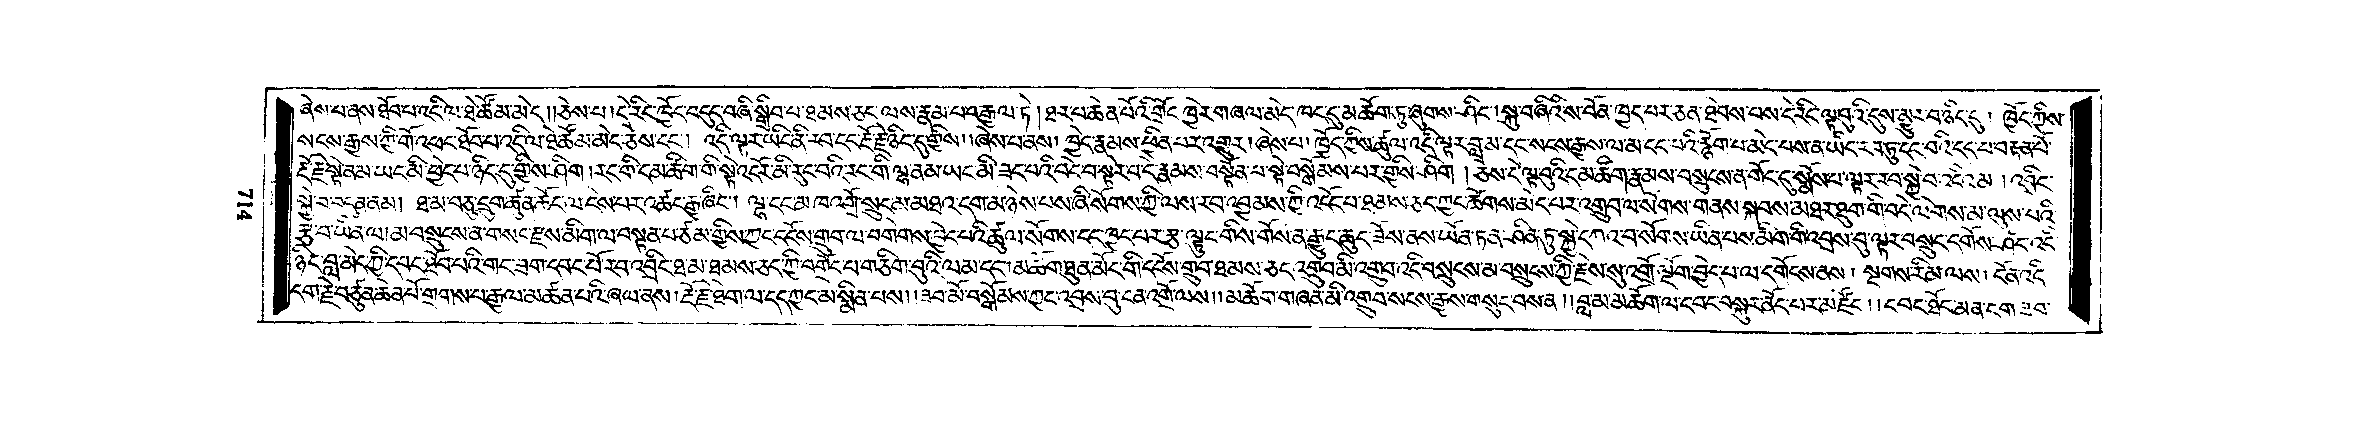ཞེས་པ་ནས་ཐོབ་པ་འདི་ལ་ཐེ་ཚོམ་མེད། །ཅེས་པ། དེ་རིང་ཁྱོད་བདུད་བཞི་སྒྲིབ་པ་ཐམས་ཅད་ལས་རྣམ་པ་བརྒྱལ་ཏེ། ཐར་པ་ཆེན་པོའི་གྲོང་ཁྱེར་གཞལ་མེད་ཁང་དུ་མཆོག་ཏུ་ཞུགས་ཤིང་། སྐུ་བཞིའི་ས་བོན་ཁྱད་པར་ཅན་ཐེབས་པས་དེ་རིང་ལྟ་བུའི་དུས་མྱུར་བ་ཉིད་དུ། ཁྱོད་ཀྱིས་
སངས་རྒྱས་ཀྱི་གོ་འཕང་ཐོབ་པ་འདི་ལ་ཐེ་ཚོམ་མེད་ཅེས་དང་། འདི་ལྟར་ཡིད་ནི་རབ་དང་རྡོ་རྗེ་ཉིད་དུ་གྱིས། །ཞེས་པ་ནས། ཁྱེད་རྣམས་ཕྱིན་པར་འགྱུར། ཞེས་པ། ཁྱོད་ཀྱིས་ཚུལ་འདི་ལྟར་བླ་མ་དང་སངས་རྒྱས་ལ་མ་དད་པའི་རྙོག་པ་མེད་པས་ན་ཡིད་རབ་ཏུ་དང་བའི་དད་པ་བརྟན་པོ་
རྡོ་རྗེ་སྟེ་ནམ་ཡང་མི་ཕྱེད་པ་ཉིད་དུ་གྱིས་ཤིག །རང་གི་དམ་ཚིག་གི་སྟེ་འདོར་མི་རུང་བའི་རང་གི་ལྷ་ནམ་ཡང་མི་ཟད་པའི་བདེ་བ་སྟེར་པ་དེ་རྣམས་བསྟོན་པ་སྟེ་བསྒོམས་པར་གྱིས་ཤིག །ཅེས་དེ་ལྟ་བུའི་དམ་ཚིག་རྣམས་བསྲུངས་ན་གོང་དུ་སྨོས་པ་ལྟར་རབ་སྐྱེ་བ་འདིའམ། འབྲིང་
སྐྱེ་བ་བདུན་ནམ། ཐ་མ་བཅུ་དྲུག་ཚུན་ཆོད་ལ་ངེས་པར་འཚང་རྒྱ་ཞིང་། ལྷ་དང་མཁའ་འགྲོ་སྲུང་མ་མཐའ་དག་མཉེས་པས་ཞི་སོགས་ཀྱི་ལས་རབ་འབྱམས་ཀྱི་འདོད་པ་ཐམས་ཅད་ཀྱང་ཚེགས་མེད་པར་འགྲུབ་ལ་སོགས་གནས་སྐབས་མཐར་ཐུག་གི་བདེ་ལེགས་མ་ལུས་པའི་
རྩ་བ་ཡིན་ལ། མ་བསྲུངས་ན་གསང་རྫས་མིག་ལ་བསྟན་པ་ཙམ་གྱིས་ཀྱང་དངོས་གྲུབ་ལ་བགེགས་བྱེད་པའི་ཚུལ་སོགས་དང་ཁྱད་པར་རྩ་ལྟུང་གིས་གོས་ན་རྒྱུད་ཆུད་ཟོས་ནས་ཡོན་ཏན་ཤིན་ཏུ་སྐྱེ་དཀའ་བ་སོགས་ཡིན་པས་མིག་གི་འབྲས་བུ་ལྟར་བསྲུང་དགོས་ཤིང་འདི་
ཉིད་བླ་མེད་ཀྱི་དབང་ཐོབ་པའི་གང་ཟག་དབང་པོ་རབ་འབྲིང་ཐ་མ་ཐམས་ཅད་ཀྱི་བགྲོད་པ་གཅིག་བུའི་ལམ་དང་། མཆོག་ཐུན་མོང་གི་དངོས་གྲུབ་ཐམས་ཅད་འགྲུབ་མི་འགྲུབ་འདི་བསྲུངས་མ་བསྲུངས་ཀྱི་རྗེས་སུ་འགྲོ་ལྡོག་བྱེད་པ་ལ་དགོངས་ནས། སྔགས་རིམ་ལས། དོན་འདི་
དག་རྗེ་བཙུན་ཆེན་པོ་གྲགས་པ་རྒྱལ་མཚན་པའི་ཞལ་ནས། རྡོ་རྗེ་ཐེག་ལ་དད་ཀྱང་མ་སྨིན་པས། །ཟབ་མོ་བསྒོམས་ཀྱང་འབྲས་བུ་ངན་འགྲོ་ལས། །མཆོག་གཞན་མི་འགྲུབ་སངས་རྒྱས་གསུང་བས་ན། །བླ་མ་མཆོག་ལ་དབང་བསྐུར་ནོད་པར་མཛོད། །དབང་ཐོབ་མན་ངག་ཟབ་